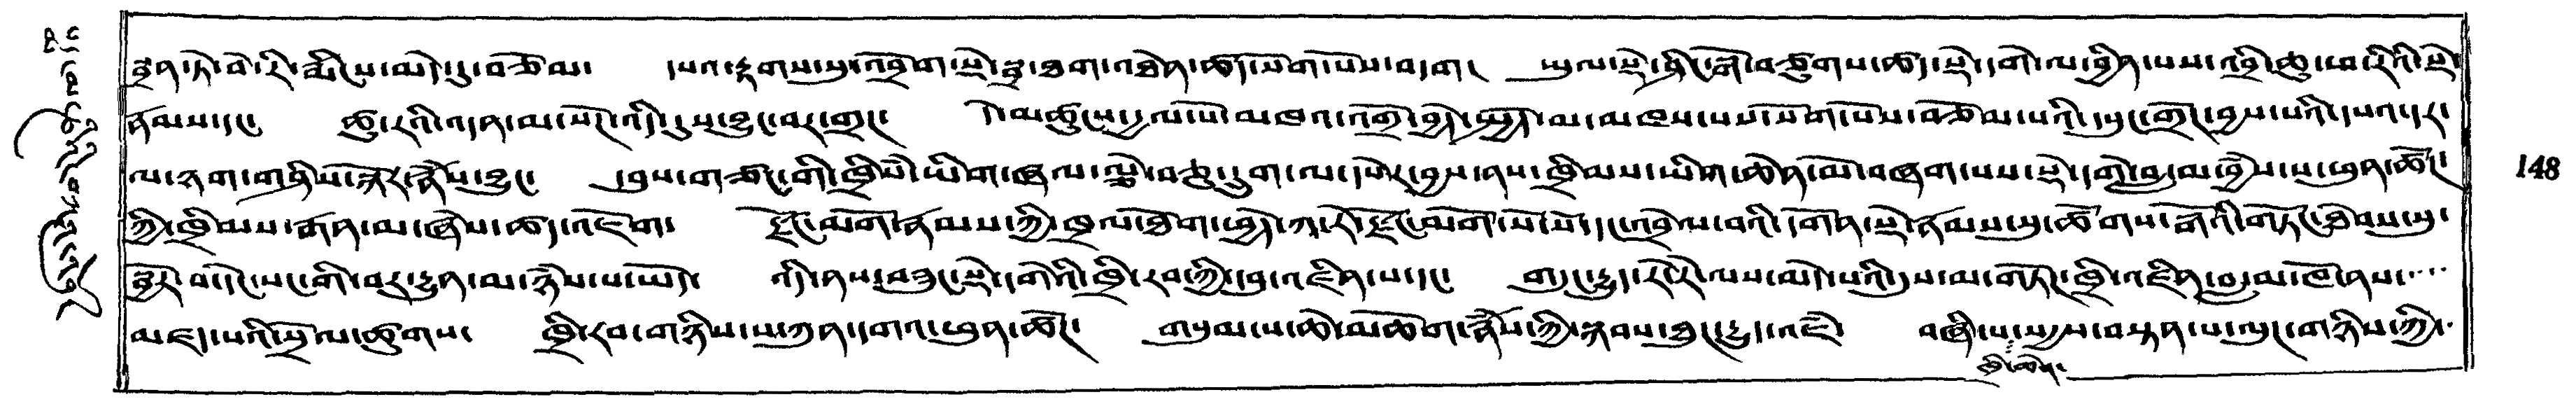སྦྲན་ཏེ་བེ་རི་རྨིང་མེད་དུ་བཅོམ། དཔའ་རྟགས་སུ་འབྲོག་སྡེ་སྦྲ་ཐག་འཐེན་ཚད་སོག་པོས་བདག ཡུལ་སྡེ་ཤིང་སྒོ་བཙུགས་ཚད་སྡེ་དགེ་ལ་བྱིན་པས་འབྲི་ཆུ་ཕ་རིའི་སྡེ་
རྣམས་དང་། ཚུར་རི་འདན་མ་སོགས་འདི་དུས་བྱུང་བར་གྲགས། དེ་མཚུངས་རྒྱལ་པོ་མཁའ་འགྲོ་བྱེད་སྤྱོད་མ་མཁས་པས་སོག་པོས་བཅོམ་པའི་དཔུང་གྲོགས་བྱས་པའི་དཔའ་དར་
ལ་ཉག་གཤིས་སྐོར་རྣམས་བྱུང་། དབུས་གཙང་གི་ཁྲིམས་ཡིག་ཞལ་ལྕེ་བཅུ་དྲུག་ལ་དཔེར་བྱས་ནས་ཁྲིམས་ཡིག་ཆེན་མོ་བཞག་པས་སྡེ་དགེ་བླ་མ་བྱམས་པ་ཕུན་ཚོགས་
ཀྱི་ཁྲིམས་རྒན་མ་ཞེས་ཚད་འཇོག རྫོང་མགོ་རྣམས་ཀྱི་ཁྲལ་ཐོག་ཕྱེད་ཀ་རེ་རྫོང་མགོ་སོ་སོ་དང་འབྲེལ་བའི་དགོན་སྡེ་རྣམས་སུ་ཚོགས་སྒོའི་གཏོང་ཐེབས་སུ་
སྦྱོར་བ་དེང་སང་གི་བར་རྒྱུན་མ་ཉམས་པ་ཡོད། འདི་ནས་བཟུང་སྡེ་དགེའི་ཁྲི་རབས་ཀྱི་དབུ་འཛིན་པ་དང་། གདུང་རྒྱུད་རེ་རེ་ལས་མེད་པའི་དུས་མ་གཏོགས་ཁྲི་འཛིན་བླ་མ་ཁོ་ནས་
མཛད་པའི་སྲོལ་ཚུགས། ཁྲི་རབས་གཉིས་པ་ཀུན་དགའ་ཕུན་ཚོགས། གསུམ་པ་ཆེ་མཆོག་རྣམས་ཀྱི་སྐབས་ཐུགས་རྒྱུད་འཇམ། བཞི་པ་ཁྲི་ཆེན་སངས་རྒྱས་བསྟན་པ་ལུགས་གཉིས་ཀྱི་